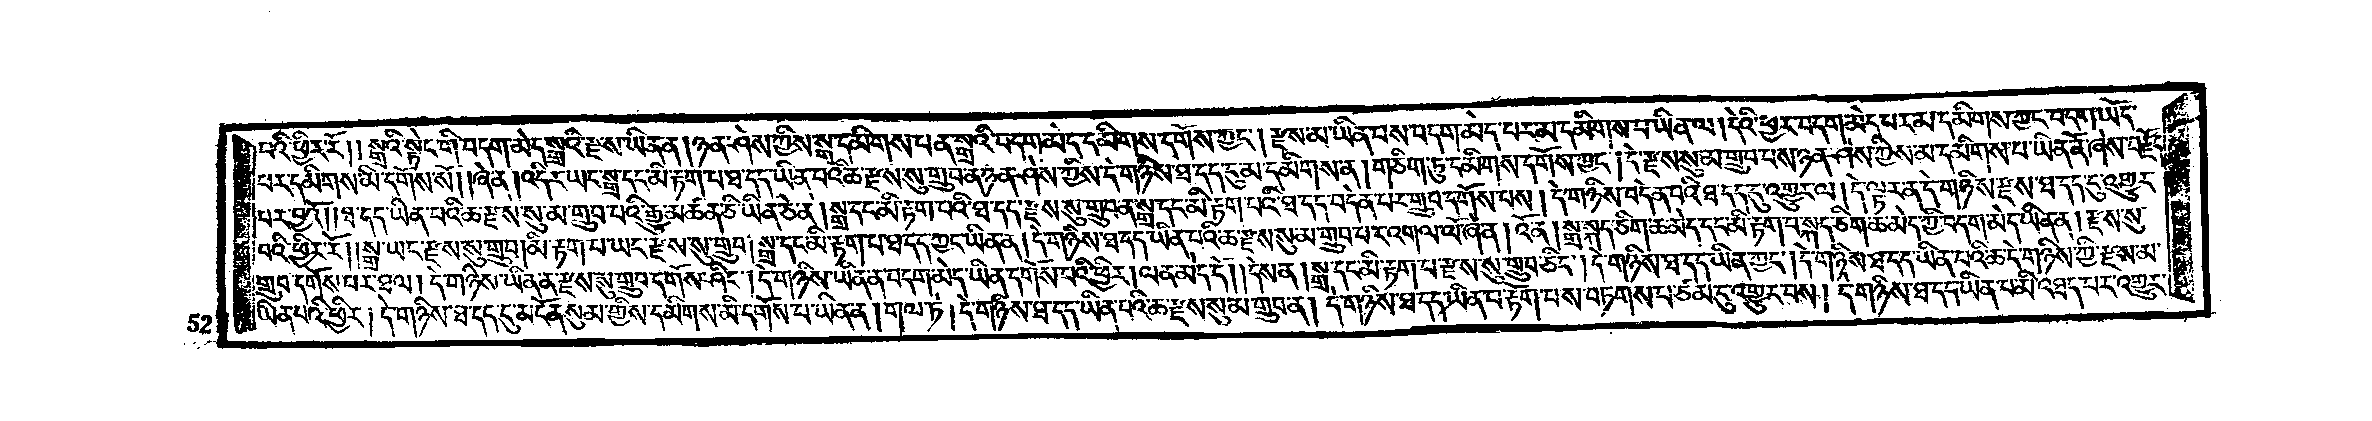པའི་ཕྱིར་རོ། །སྒྲའི་སྟེང་གི་བདག་མེད་སྒྲའི་རྫས་ཡིན་ན། ཉན་ཤེས་ཀྱིས་སྒྲ་དམིགས་པ་ན་སྒྲའི་བདག་མེད་དམིགས་དགོས་ཀྱང་། རྫས་མ་ཡིན་པས་བདག་མེད་པར་མ་དམིགས་པ་ཡིན་ལ། དེའི་ཕྱིར་བདག་མེད་པར་མ་དམིགས་ཀྱང་བདག་ཡོད་
པར་དམིགས་མི་དགོས་སོ། །ཞེ་ན། འདིར་ཡང་སྒྲ་དང་མི་རྟག་པ་ཐ་དད་ཡིན་པའི་ཆ་རྫས་སུ་གྲུབ་ན་ཉན་ཤེས་ཀྱིས་དེ་གཉིས་ཐ་དད་དུ་མ་དམིགས་ན། གཅིག་ཏུ་དམིགས་དགོས་ཀྱང་། དེ་རྫས་སུ་མ་གྲུབ་པས་ཉན་ཤེས་ཀྱིས་མ་དམིགས་པ་ཡིན་ནོ་ཞེས་བརྗོད་
པར་བྱའོ། །ཐ་དད་ཡིན་པའི་ཆ་རྫས་སུ་མ་གྲུབ་པའི་རྒྱུ་མཚན་ཅི་ཡིན་ཅེ་ན། སྒྲ་དང་མི་རྟག་པའི་ཐ་དད་རྫས་སུ་གྲུབ་ན་སྒྲ་དང་མི་རྟག་པའི་ཐ་དད་བདེན་པར་གྲུབ་དགོས་པས། དེ་གཉིས་བདེན་པའི་ཐ་དད་དུ་འགྱུར་ལ། དེ་ལྟར་ན་དེ་གཉིས་རྫས་ཐ་དད་དུ་འགྱུར་
བའི་ཕྱིར་རོ། །སྒྲ་ཡང་རྫས་སུ་གྲུབ། མི་རྟག་པ་ཡང་རྫས་སུ་གྲུབ། སྒྲ་དང་མི་རྟག་པ་ཐ་དད་ཀྱང་ཡིན་ན། དེ་གཉིས་ཐ་དད་ཡིན་པའི་ཆ་རྫས་སུ་མ་གྲུབ་པར་འགལ་ལོ་ཞེ་ན། འོ་ན། སྒྲ་སྐད་ཅིག་ཆ་མེད་དང་མི་རྟག་པ་སྐད་ཅིག་ཆ་མེད་ཀྱི་བདག་མེད་ཡིན་ན། རྫས་སུ་
གྲུབ་དགོས་པར་ཐལ། དེ་གཉིས་ཡིན་ན་རྫས་སུ་གྲུབ་དགོས་ཤིང་། དེ་གཉིས་ཡིན་ན་བདག་མེད་ཡིན་དགོས་པའི་ཕྱིར། ལན་མེད་དོ། །དེས་།ན། སྒྲ་དང་མི་རྟག་པ་རྫས་སུ་གྲུབ་ཅིང་། དེ་གཉིས་ཐ་དད་ཡིན་ཀྱང་། དེ་གཉིས་ཐ་དད་ཡིན་པའི་ཆ་དེ་གཉིས་ཀྱི་རྫས་མ་
ཡིན་པའི་ཕྱིར། དེ་གཉིས་ཐ་དད་དུ་མངོན་སུམ་གྱིས་དམིགས་མི་དགོས་པ་ཡིན་ན། གལ་ཏེ། དེ་གཉིས་ཐ་དད་ཡིན་པའི་ཆ་རྫས་སུ་མ་གྲུབ་ན། དེ་གཉིས་ཐ་དད་ཡིན་པ་རྟོག་པས་བཏགས་པ་ཙམ་དུ་འགྱུར་བས། དེ་གཉིས་ཐ་དད་ཡིན་པ་མི་འཐད་པར་འགྱུར་